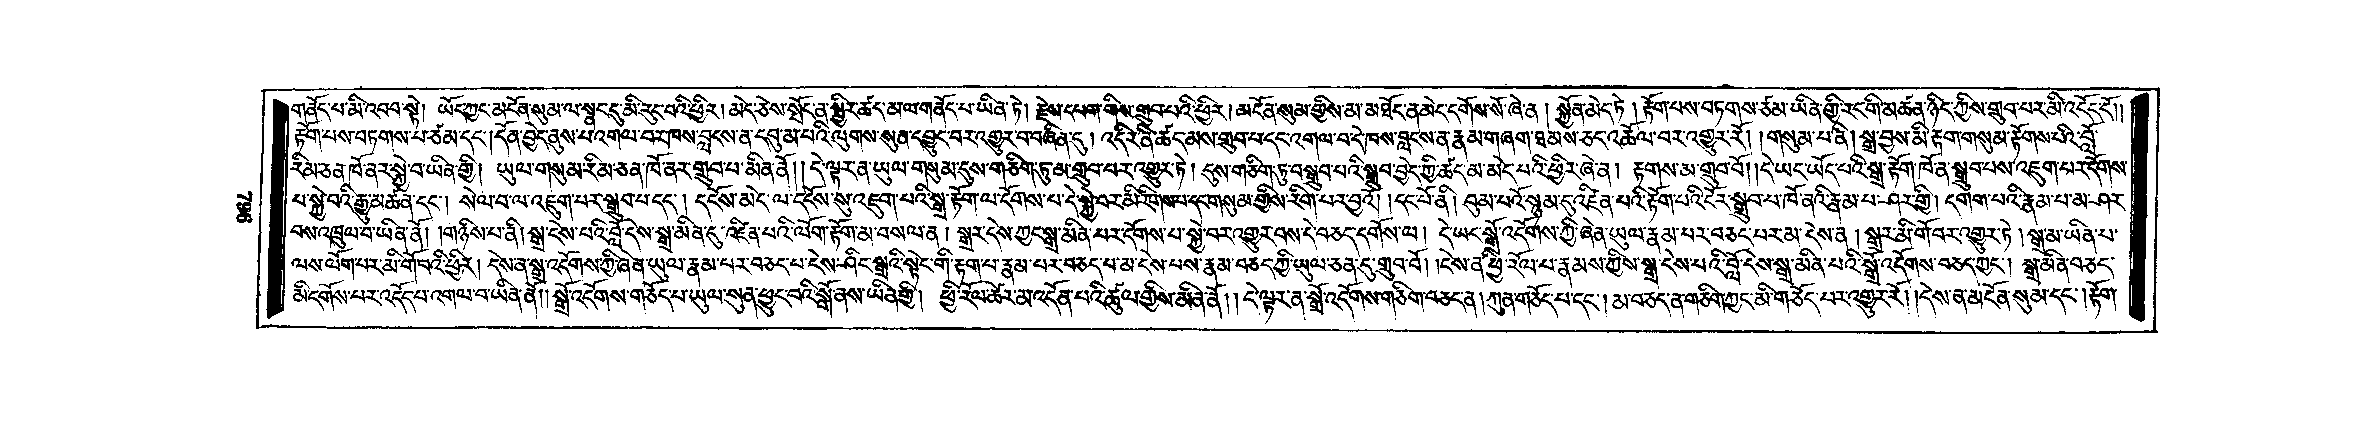གནོད་པ་མི་འབབ་སྟེ། ཡོད་ཀྱང་མངོན་སུམ་ལ་སྣང་དུ་མི་རུང་བའི་ཕྱིར། མེད་ཅེས་སྤོང་ན་སྤྱིར་ཚད་མ་ལ་གནོད་པ་ཡིན་ཏེ། རྗེས་དཔག་གིས་གྲུབ་པའི་ཕྱིར། མངོན་སུམ་གྱིས་མ་མཐོང་ན་མེད་དགོས་སོ་ཞེ་ན། སྐྱོན་མེད་ཏེ། རྟོག་པས་བཏགས་ཙམ་ཡིན་གྱི་རང་གི་མཚན་ཉིད་ཀྱིས་གྲུབ་པར་མི་འདོད་དོ། །
རྟོག་པས་བཏགས་པ་ཙམ་དང་། དོན་བྱེད་ནུས་པ་འགལ་བར་ཁས་བླངས་ནས་དབུ་མ་པའི་ལུགས་སུན་དབྱུང་བར་འགྱུར་བ་བཞིན་དུ། འདིར་ནི་ཚད་མས་གྲུབ་པ་དང་འགལ་བ་དེ་ཁས་བླངས་ན་རྣམ་གཞག་ཐམས་ཅད་འཆོལ་བར་འགྱུར་རོ། །གསུམ་པ་ནི། སྒྲ་བྱས་མི་རྟག་གསུམ་རྟོགས་པའི་བློ་
རིམ་ཅན་ཁོ་ནར་སྐྱེ་བ་ཡིན་གྱི། ཡུལ་གསུམ་རིམ་ཅན་ཁོ་ནར་གྲུབ་པ་མིན་ནོ། །དེ་ལྟར་ན་ཡུལ་གསུམ་དུས་གཅིག་ཏུ་མ་གྲུབ་པར་འགྱུར་ཏེ། དུས་གཅིག་ཏུ་བསྒྲུབ་པའི་སྒྲུབ་བྱེད་ཀྱི་ཚད་མ་མེད་པའི་ཕྱིར་ཞེ་ན། རྟགས་མ་གྲུབ་བོ། །དེ་ཡང་ཡོད་པའི་སྒྲ་རྟོག་ཁོ་ན་སྒྲུབ་པས་འཇུག་པར་དོགས་
པ་སྐྱེ་བའི་རྒྱུ་མཚན་དང་། སེལ་བ་ལ་འཇུག་པར་སྒྲུབ་པ་དང་། དངོས་མེད་ལ་དངོས་སུ་འཇུག་པའི་སྒྲ་རྟོག་ལ་དོགས་པ་དེ་སྐྱེ་བར་མི་རིགས་པ་དང་གསུམ་གྱིས་རིག་པར་བྱའོ། །དང་པོ་ནི། བུམ་པའོ་སྙམ་དུ་འཛིན་པའི་རྟོག་པའི་ངོར་སྒྲུབ་པ་ཁོ་ནའི་རྣམ་པ་ཤར་གྱི། དགག་པའི་རྣམ་པ་མ་ཤར་
བས་འཁྲུལ་བ་ཡིན་ནོ། །གཉིས་པ་ནི། སྒྲ་ངེས་པའི་བློ་དེས་སྒྲ་མིན་དུ་འཛིན་པའི་ལོག་རྟོག་མ་བསལ་ན། སྒྲར་དེས་ཀྱང་སྒྲ་མིན་པར་དོགས་པ་སྐྱེ་བར་འགྱུར་བས་དེ་བཅད་དགོས་ལ། དེ་ཡང་སྒྲོ་འདོགས་ཀྱི་ཞེན་ཡུལ་རྣམ་པར་བཅད་པར་མ་ངེས་ན། སྒྲར་མི་གོ་བར་འགྱུར་ཏེ། སྒྲ་མ་ཡིན་པ་
ལས་ལོག་པར་མི་གོ་བའི་ཕྱིར། དེས་ན་སྒྲ་འདོགས་ཀྱི་ཞེན་ཡུལ་རྣམ་པར་བཅད་པ་ངེས་ཤིང་སྒྲའི་སྟེང་གི་རྟག་པ་རྣམ་པར་བཅད་པ་མ་ངེས་པས་རྣམ་བཅད་ཀྱི་ཡུལ་ཅན་དུ་གྲུབ་བོ། །ངེས་ན་ཕྱི་རོལ་པ་རྣམས་ཀྱིས་སྒྲ་ངེས་པའི་བློ་དེས་སྒྲ་མིན་པའི་སྒྲོ་འདོགས་བཅད་ཀྱང་། སྒྲ་མིན་བཅད་
མི་དགོས་པར་འདོད་པ་འགལ་བ་ཡིན་ནོ། །སྒྲོ་འདོགས་གཅོད་པ་ཡུལ་སུན་ཕྱུང་བའི་སྒོ་ནས་ཡིན་གྱི། ཕྱི་རོལ་ཚེར་མ་འདོན་པའི་ཚུལ་གྱིས་མིན་ནོ། །དེ་ལྟར་ན་སྒྲོ་འདོགས་གཅིག་བཅད་ན། ཀུན་གཅོད་པ་དང་། མ་བཅད་ན་གཅིག་ཀྱང་མི་གཅོད་པར་འགྱུར་རོ། །དེས་ན་མངོན་སུམ་དང་། རྟོག་